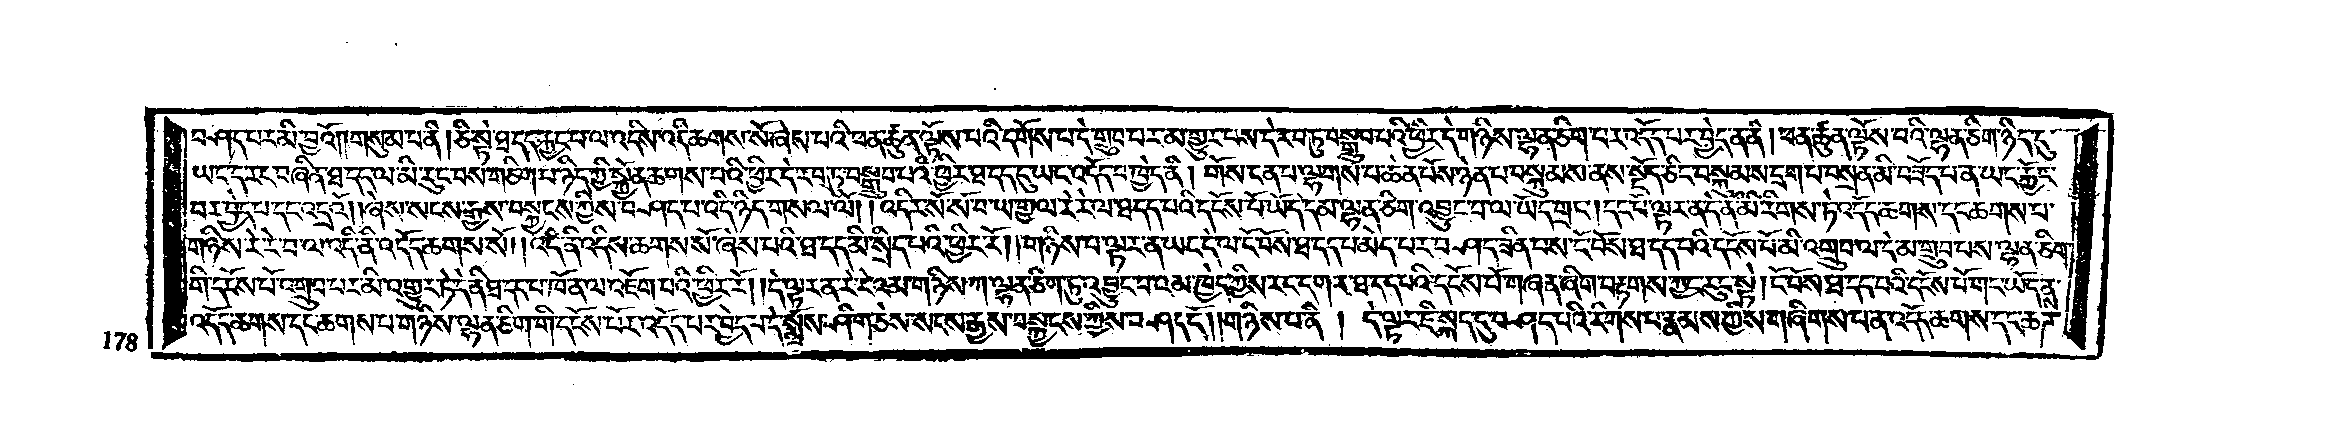བཤད་པར་མི་བྱའོ། །གསུམ་པ་ནི། ཅི་སྟེ་ཐ་དད་ཀྱང་པ་ལ་འདིས་འཆི་ཆགས་སོ་ཞེས་པའི་ཕན་ཚུལ་ལྟོས་པའི་དགོས་པ་དེ་གྲུབ་པར་མ་གྱུར་བས་དྡེར་རབ་ཏུ་བསྒྲུབ་པའི་ཕྱི་དེ་གཉིས་ལྷན་ཅིག་པར་འདོད་པར་བྱེད་ན་ནི། ཕན་ཚུན་ལྟོས་པའི་ལྷན་ཅིག་ཉིད་དུ་
ཡང་ད་རང་བཞིན་ཐ་དད་ལ་མི་རུང་བས་གཅིག་པ་ཉིད་ཀྱི་སྐྱོན་ཆགས་པའི་ཕྱིར་དེ་རབ་ཏུ་བསྒྲུབ་པའི་ཕྱིར་ཐ་དད་དུ་ཡང་འདོད་པ་ཁྱེད་ནི། གོས་ངན་པ་ལྷགས་པ་ཆེན་པོས་ཉེན་པ་བསྐུམས་ནས་སྡེད་ཅིང་བསྐུམས་དྲག་པ་བསྲན་མི་བཟོད་པ་ན་ཡང་རྐྱོང་
བར་བྱེད་པ་དང་འདྲའོ། །ཞེས་སངས་རྒྱས་བསྐྱངས་ཀྱིས་བཤད་པ་འདི་ཉིད་གསལ་ལོ། །འདིར་སོ་སོ་བ་ཡ་གྱལ་དེ་རེ་ལ་ཐ་དད་པའི་ངོས་པོ་ཡོད་དམ་ལྷན་ཅིག་འབྱུང་བ་ལ་ཡོད་གྲང་། དང་པོ་ལྟར་ན་དེ་ནི་མི་རིགས་ཏེ་འདོད་ཆགས་དང་ཆགས་པ་
གཉིས་རེ་རེ་བ་ལ་འདི་ནི་འདོད་ཆགས་སོ། །འདི་ནི་འདིས་ཆགས་སོ་ཞེས་པའི་ཐ་དད་མི་སྲིད་པའི་ཕྱིར་རོ། །གཉིས་པ་ལྟར་ན་ཡང་དེ་ལ་ངོ་བོས་ཐ་དད་པ་མེད་པར་བཤད་ཟིན་པས་ངོ་བོས་ཐ་དད་པའི་དངོས་པོ་མི་འགྲུབ་ལ་དེ་མ་གྲུབ་པས་ལྷན་ཅིག་
གི་དངོས་པོ་འགྲུབ་པར་མི་འགྱུར་ཏེ་དེ་ནི་ཐ་དད་པ་ཁོ་ན་ལ་འཇོག་པའི་ཕྱིར་རོ། །དེ་ལྟར་ན་རེ་རེའམ་གཉིས་ཀ་ལྷན་ཅིག་ཏུ་འབྱུང་བའམ་ཁྱེད་ཀྱིས་རང་དགར་ཐ་དད་པའི་དངོས་པོ་གཞན་ཞིག་བརྟགས་ཀྱང་རུང་སྟེ། ངོ་བོས་ཐ་དད་པའི་དངོས་པོ་གང་ཡོད་ནས་
འདོད་ཆགས་དང་ཆགས་པ་གཉིས་ལྷན་ཅིག་གི་དངོས་པར་འདོད་པར་བྱེ་དཔ་དེ་སྨྲོས་ཤིག་ཅེས་སངས་རྒྱས་བསྐྱངས་ཀྱིས་བཤད་དོ། །གཉིས་པ་ནི། དེ་ལྟར་ཇི་སྐད་དུ་བཤད་པའི་རིགས་པ་རྣམས་ཀྱིས་གཟིགས་པ་ན་འདོད་ཆགས་དང་ཆགས་